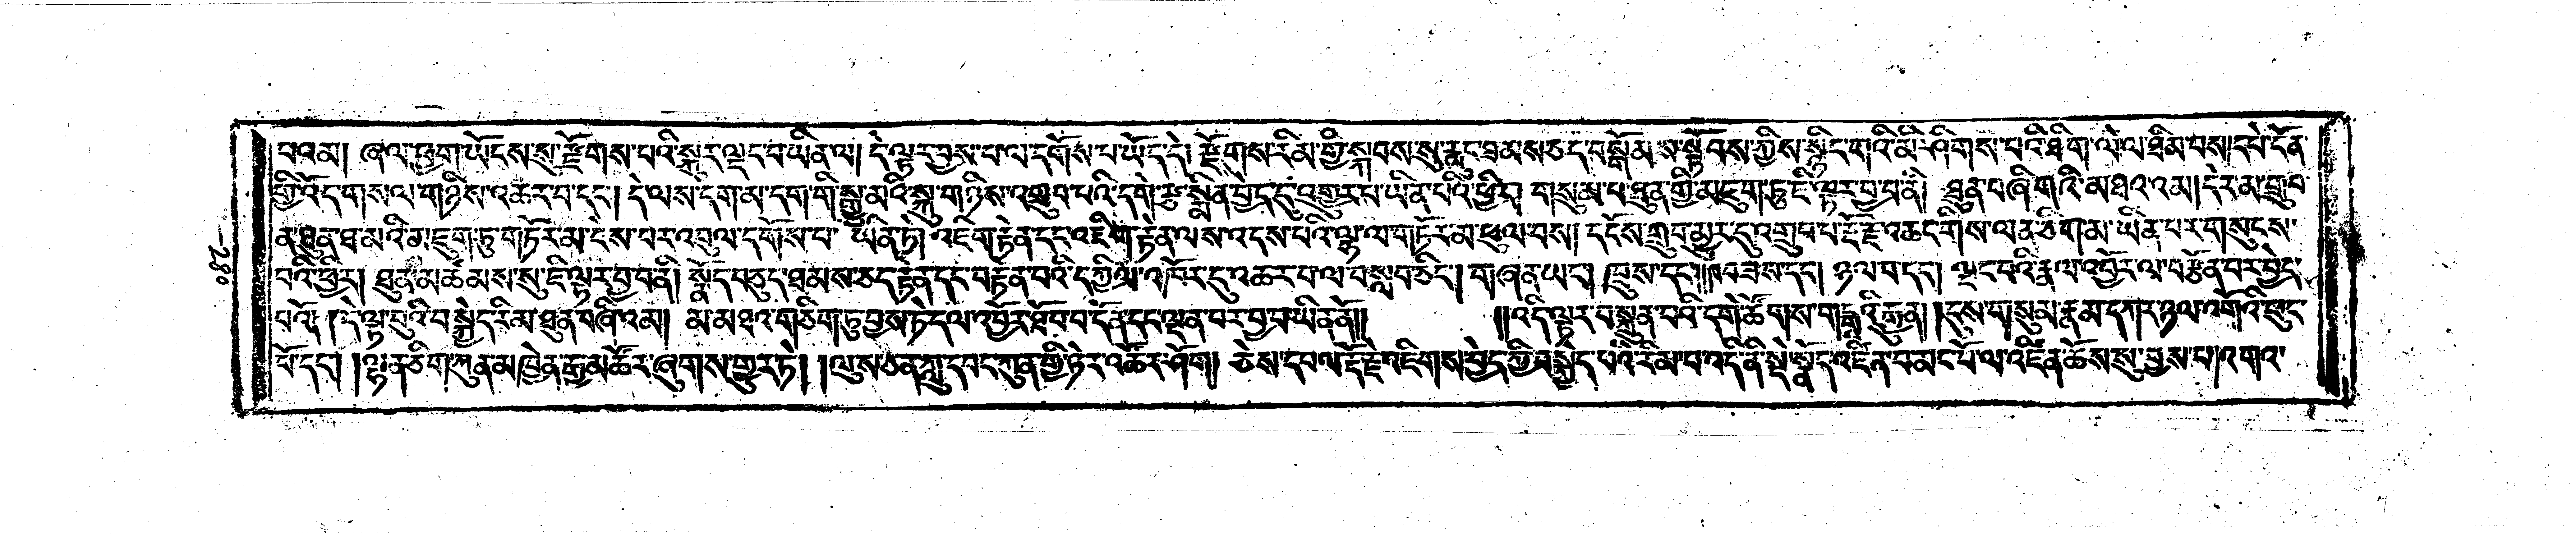པའམ། ཞལ་ཕྱག་ཡོངས་སུ་རྫོགས་པའི་སྐུར་ལྡང་བ་ཡིན་ལ། དེ་ལྟར་བྱས་པ་ལ་དགོས་པ་ཡོད་དེ། རྫོགས་རིམ་གྱི་སྐབས་སུ་རླུང་ཐམས་ཅད་བསྒོམས་སྟོབས་ཀྱིས་སྙིང་གའི་མི་ཤིགས་པའི་ཐིག་ལེ་ལ་ཐིམ་པས། དཔེ་དོན་
གྱི་འོད་གསལ་གཉིས་འཆར་བ་དང་། དེ་ལས་དག་མ་དག་གི་སྒྱུ་མའི་སྐུ་གཉིས་འགྲུབ་པའི་དགེ་རྩ་སྨིན་བྱེད་དུ་འགྱུར་བ་ཡིན་པའི་ཕྱིར། གསུམ་པ་ཐུན་གྱི་མཇུག་ཏུ་ཇི་ལྟར་བྱ་བ་ནི། ཐུན་བཞི་གའི་མཐའ་འམ། དེར་མ་གྲུབ་
མཐུན་ཐ་མའི་མཇུག་ཏུ་གཏོར་མ་ངེས་པར་འབུལ་དགོས་པ་ཡིན་ཏེ། འཇིག་རྟེན་དང་འཇིག་རྟེན་ལས་འདས་པའི་ལྷ་ལ་གཏོར་མ་ཕུལ་བས། དངོས་གྲུབ་མྱུར་དུ་འགྲུབ་པ་རྡོ་རྗེ་འཆང་གིས་ལན་ཅིག་མ་ཡིན་པར་གསུངས་
པའི་ཕྱིར། ཐུན་མཚམས་སུ་ཇི་ལྟར་བྱ་བ་ནི། སྣོད་བཅུད་ཐམས་ཅད་རྟེན་དང་བརྟེན་པའི་དཀྱིལ་འཁོར་དུ་འཆར་བ་ལ་བསླབ་ཅིང་། གཞན་ཡང་། ཁྲུས་དང་། །བཟས་དང་། ཉལ་བ་དང་། ལྡང་བའི་རྣལ་འབྱོར་ལ་བརྩོན་པར་བྱེད་
པའོ། །དེ་ལྟ་བུའི་བསྐྱེད་རིམ་ཐུན་བཞི་འམ། མ་མཐའ་གཅིག་ཏུ་བྱས་ཏེ་དལ་འབྱོར་ཐོབ་པ་དོན་དང་ལྡན་པར་བྱ་བ་ཡིན་ནོ།། །།འདི་ལྟར་བསྐྲུན་པའི་དགེ་ཚོགས་གངྒཱའི་རྒྱུན། །དུས་གསུམ་རྣམ་དཀར་ཉལ་འགྲོའི་ཕུང་
པོ་དང་། ལྷན་ཅིག་ཀུན་མཁྱེན་རྒྱ་མཚོར་ཞུགས་གྱུར་ཏེ། །ལུས་ཅན་ཀླུ་དབང་ཀུན་གྱི་ཉེར་འཚོར་ཤོག །ཅེས་དཔལ་རྡོ་རྗེ་འཇིགས་བྱེད་ཀྱི་བསྐྱེད་པའི་རིམ་པ་འདི་ནི་སྡེ་སྣོད་འཛིན་པ་མང་པོ་ལ་འཛིན་ཆོས་སུ་བྱས་པ། འགའ་